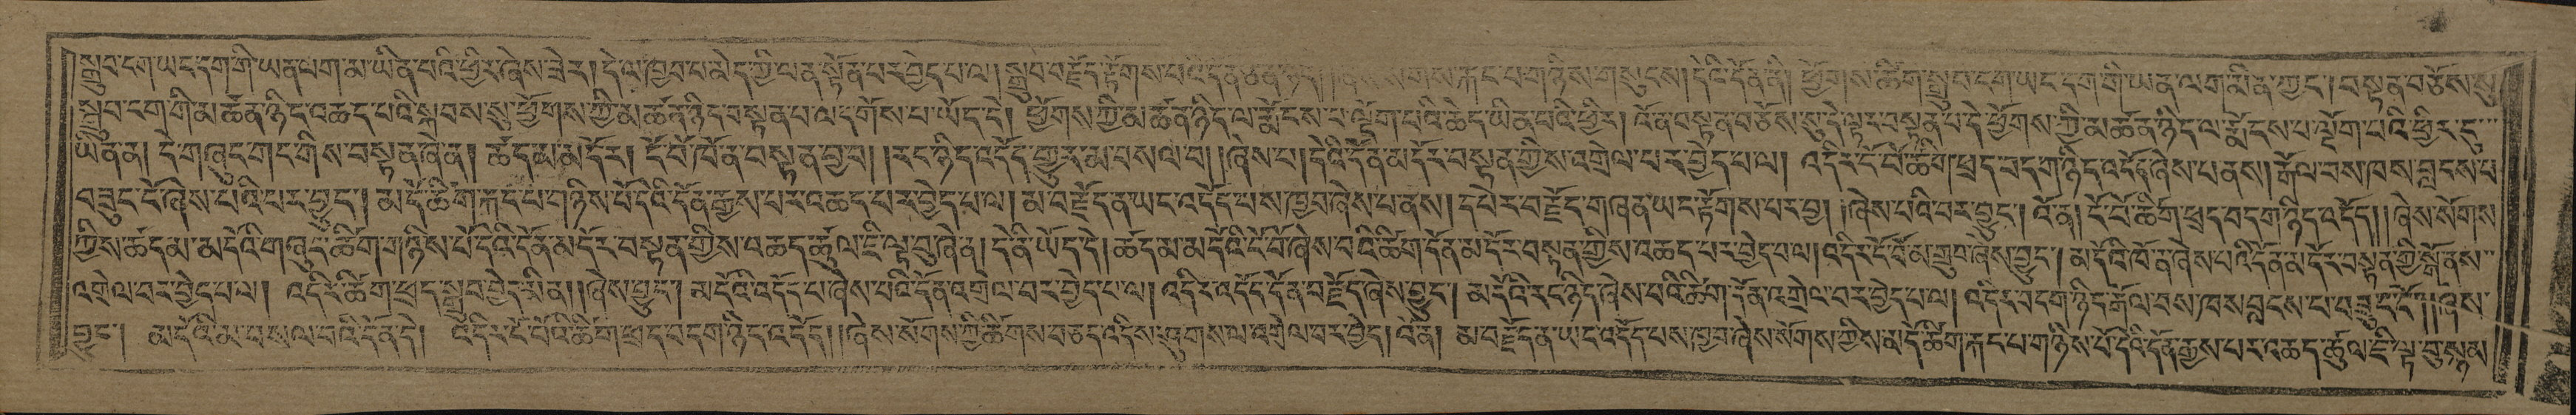སྒྲུབ་ངག་ཡང་དག་གི་ཡན་ལག་མ་ཡིན་པའི་ཕྱིར་ཞེས་ཟེར། དེ་ལ་ཁྱབ་པ་མེད་ཀྱི་ལན་སྟོན་པར་བྱེད་པ་ལ། སྒྲུབ་བརྗོད་རྟོགས་པའི་དོན་ཅན་ཉིད། །ཞེས་སོགས་རྐང་པ་གཉིས་གསུངས། དེའི་དོན་ནི། ཕྱོགས་ཚིག་སྒྲུབ་ངག་ཡང་དག་གི་ཡན་ལག་མིན་ཀྱང་། བསྟན་བཅོས་སུ་
སྒྲུབ་ངག་གི་མཚན་ཉིད་འཆད་པའི་སྐབས་སུ་ཕྱོགས་ཀྱི་མཚན་ཉིད་བསྟན་པ་ལ་དགོས་པ་ཡོད་དེ། ཕྱོགས་ཀྱི་མཚན་ཉིད་ལ་རྨོངས་པ་ལྡོག་པའི་ཆེད་ཡིན་པའི་ཕྱིར། འོ་ན་བསྟན་བཅོས་སུ་དེ་ལྟར་བསྟན་པ་དེ་ཕྱོགས་ཀྱི་མཚན་ཉིད་ལ་རྨོངས་པ་ལྡོག་པའི་ཕྱིར་དུ་
ཡིན་ན། དེ་གཞུང་གང་གིས་བསྟན་ཞེ་ན། ཚད་མ་མདོར། ངོ་བོ་ཁོ་ན་བསྟན་བྱ་བ། །རང་ཉིད་འདོད་གྱུར་མ་བསལ་བ། །ཞེས་པ། དེའི་དོན་མདོར་བསྟན་གྱིས་འགྲེལ་པར་བྱེད་པ་ལ། འདིར་ངོ་བོ་ཚིག་ཕྲད་བདག་ཉིད་འདོད་ཞེས་པ་ནས། རྒོལ་བས་ཁས་བླངས་པ་
བཟུང་ངོ་ཞེས་པའི་པར་བྱུང་། མདོ་ཚིག་རྐང་པ་གཉིས་པོ་དེའི་དོན་རྒྱས་པར་འཆད་པར་བྱེད་པ་ལ། མ་བརྗོད་ན་ཡང་འདོད་པས་ཁྱབ་ཞེས་པ་ནས། དཔེར་བརྗོད་གཞན་ཡང་རྟོགས་པར་བྱ། །ཞེས་པའི་བར་བྱུང་། འོ་ན། ངོ་བོ་ཚིག་ཕྲད་བདག་ཉིད་འདོད། །ཞེས་སོགས་
ཀྱིས་ཚད་མ་མདོའི་གཞུང་ཚིག་གཉིས་པོ་དེའི་དོན་མདོར་བསྟན་གྱིས་འཆད་ཚུལ་ཇི་ལྟ་བུ་ཞེ་ན། དེ་ནི་ཡོད་དེ། ཚད་མ་མདོའི་ངོ་བོ་ཞེས་པའི་ཚིག་དོན་མདོར་བསྟན་གྱིས་འཆད་པར་བྱེད་པ་ལ། འདིར་ངོ་བོ་མ་གྲུབ་ཞེས་བྱུང་། མདོའི་ཁོ་ན་ཞེས་པའི་དོན་མདོར་བསྟན་གྱི་སྒོ་ནས་
འགྲེལ་བར་བྱེད་པ་ལ། འདིར་ཚིག་ཕྲད་སྒྲུབ་བྱེད་མིན། །ཞེས་བྱུང་། མདོའི་འདོད་པ་ཞེས་པའི་དོན་འགྲེལ་བར་བྱེད་པ་ལ། འདིར་འདོད་དོན་བརྗོད་ཞེས་བྱུང་། མདོའི་རང་ཉིད་ཞེས་པའི་ཚིག་དོན་འགྲེལ་བར་བྱེད་པ་ལ། འདིར་བདག་ཉིད་རྒོལ་བས་ཁས་བླངས་པ་བཟུང་ངོ། །ཞེས་
བྱུང་། མདོའི་མ་བསལ་བའི་དོན་དེ། འདིར་ངོ་བོའི་ཚིག་ཕྲད་བདག་ཉིད་འདོད། །ཞེས་སོགས་ཀྱི་ཚིགས་བཅད་འདིས་ཤུགས་ལ་འགྲེལ་བར་བྱེད། འོ་ན། མ་བརྗོད་ན་ཡང་འདོད་པས་ཁྱབ་ཞེས་སོགས་ཀྱིས་མདོ་ཚིག་རྐང་པ་གཉིས་པོ་དེའི་དོན་རྒྱས་པར་འཆད་ཚུལ་ཇི་ལྟ་བུ་སྙམ་